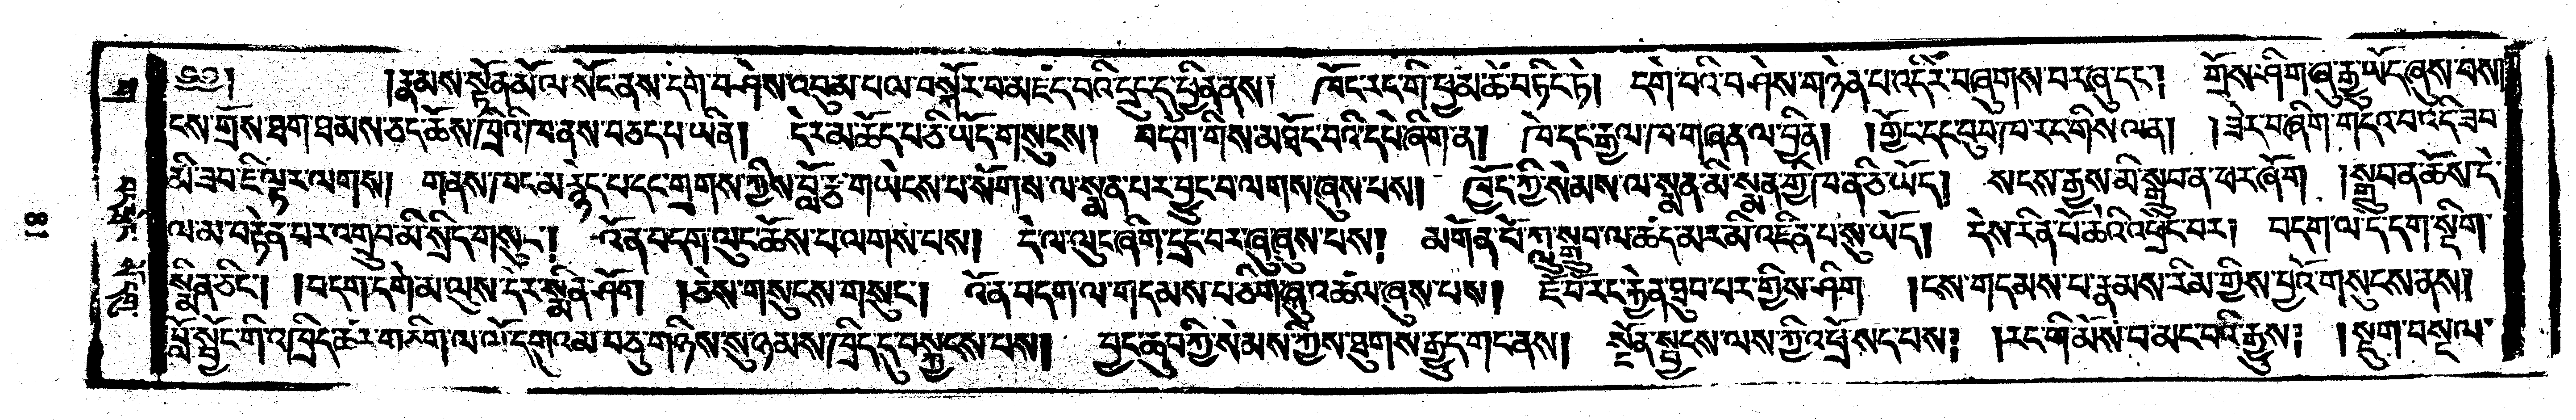༄༅། །རྣམས་སྟོན་མོ་ལ་སོང་ནས་དགེ་བ་ཤེས་འབུམ་པ་ལ་བསྐོར་བ་མཛད་བའི་དྲུང་དུ་ཕྱིན་ནས། ཁོང་རང་གི་ཕྱམ་ཚེ་བཏིང་ཏེ། དགེ་བའི་བཤེས་གཉེན་པ་འདིར་བཞུགས་བར་ཞུ་དང་། གྲོས་ཤིག་ཞུ་རྒྱུ་ཡོད་ཞུས་བས།
ངས་གྲོས་ཐག་ཐམས་ཅད་ཆོས་ཁྲིའི་ཁ་ནས་བཅད་པ་ཡིན། དེར་མཆོད་པ་ཅི་ཡོད་གསུངས། བདག་གིས་མཐོང་བའི་དཔེ་ཞིག་ན། ཁེ་དང་རྒྱལ་ཁ་གཞན་ལ་བྱིན། །གྱོང་དང་བུབ་ཁ་རང་གིས་ལན། །ཟེར་བ་ཞིག་གདའ་བ་འདི་ཟབ་
མི་ཟབ་ཇི་ལྟར་ལགས། གནས་ཁང་མ་རྙེད་པ་དང་གྲགས་ཀྱིས་བློ་རྩ་གཡེངས་པ་སོགས་ལ་སྨན་པར་བྱུང་བ་ལགས་ཞུས་པས། ཁྱོད་ཀྱི་སེམས་ལ་སྨན་མི་སྨན་གྱི་ཁ་ན་ཅི་ཡོད། སངས་རྒྱས་མི་སྒྲུབ་ན་ཕར་ཞོག །སྒྲུབ་ན་ཆོས་དེ་
ལ་མ་བརྟེན་བར་འགྲུབ་མི་སྲིད་གསུང་། འོན་བདག་ལུང་ཆོས་པ་ལགས་པས། དེ་ལ་ལུང་ཞིག་དྲང་བར་ཞུ་ཞུས་པས། མགོན་པོ་ཀླུ་སྒྲུབ་ལ་ཚད་མར་མི་འཛིན་པ་སུ་ཡོད། དེས་རིན་པོ་ཆེའི་འཕྲེང་བར། བདག་ལ་དེ་དག་སྡིག་
སྨིན་ཅིང་། །བདག་དགེ་མ་ལུས་དེར་སྨིན་ཤོག །ཅེས་གསུངས་གསུང་། འོ་ན་བདག་ལ་གདམས་པ་ཅིག་ཞུ་འཚལ་ཞུས་པས། ཇོ་བོ་རང་རྐྱེན་ཐུབ་པར་གྱིས་ཤིག །ངས་གདམས་པ་རྣམས་རིམ་གྱིས་བྱའོ་གསུངས་ནས།
བློ་སྦྱོང་གི་འཁྲིད་ཚར་གཅིག་ལ་ལོ་དགུའམ་བཅུ་གཉིས་སུ་ཉམས་ཁྲིད་དུ་བསྐྱངས་པས། བྱང་ཆུབ་ཀྱི་སེམས་ཀྱིས་ཐུགས་རྒྱུད་གང་ནས། སྔོན་སྦྱངས་ལས་ཀྱི་འཕྲོ་སད་པས། །རང་གི་མོས་བ་མང་བའི་རྒྱུས། །སྡུག་བསྔལ་